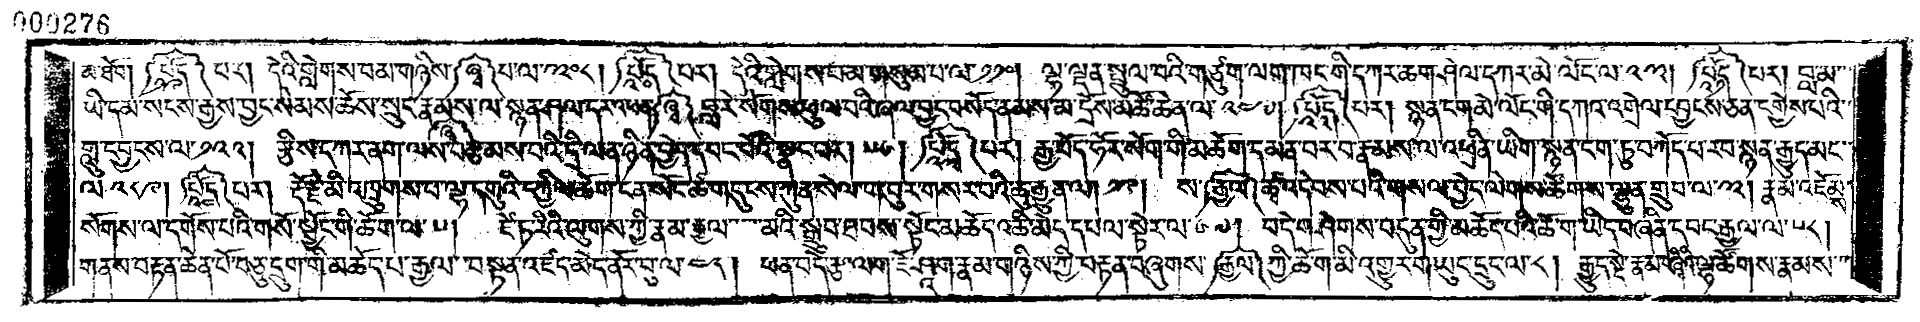མ་ཐོབ། ༣༠༠། ༼པོད༡༩༽ པར། དེའི་གླེགས་བམ་གཉིས ༼ཞྭ༽ པ་ལ ༣༠༨། ༼པོད༢༠༽ པར། དེའི་གླེགས་བམ་གསུམ་པ་ལ ༡༡༠། ལྷ་ལྡན་སྤྲུལ་བའི་གཙུག་ལག་ཁང་གི་དཀར་ཆག་ཤེལ་དཀར་མེ་ལོང་ལ ༢༣། ༼པོད༢༡༽ པར། བླ་མ་
ཡི་དམ་སངས་རྒྱས་བྱང་སེམས་ཆོས་སྲུང་རྣམས་ལ་སྙན་ཤལ་དར་འཕན ༼ཞྭ༽ བླ་རེ་སོགས་ཕུལ་བའི་ཞལ་བྱང་བསོད་ནམས་མ་དྲོས་མཚོ་ཆེན་ལ ༢༤༧། ༼པོད༢༢༽ པར། སྙན་ངག་མེ་ལོང་གི་དཀའ་འགྲེལ་དབྱངས་ཅན་དགྱེས་པའི་
གླུ་དབྱངས་ལ ༡༢༢། རྩིས་དཀར་ནག་ལས་བརྩམས་པའི་དྲི་ལན་ཉིན་བྱེད་དབང་བོའི་སྣང་བར། ༥༦། ༼པོད༢༣༽ པར། རྒྱ་བོད་ཧོར་སོག་གི་མཆོག་དམན་བར་བ་རྣམས་ལ་འཕྲིན་ཡིག་སྙན་ངག་ཏུ་བཀོད་པ་རབ་སྙན་རྒྱུད་མང་
ལ ༢༨༩། ༼པོད༢༤༽ པར། རྡོ་རྗེ་མི་འཁྲུགས་པ་ལྷ་དགུའི་དཀྱིལ་ཆོག་ངན་སོང་ཚ་གདུངས་ཀུན་སེལ་ག་བུར་གསར་བའི་ཆུ་རྒྱུན་ལ། ༡༩། ས ༼རྒྱལ༽ ཚྭ་འདེབས་པའི་གསལ་བྱེད་ལེགས་ཚོགས་ལྷུན་གྲུབ་ལ ༣། རྣམ་འཇོམས་
སོགས་ལ་དགོས་པའི་གསོ་སྦྱོང་གི་ཆོ་ག་ལ ༥། ཛེ་ཏ་རིའི་ལུགས་ཀྱི་རྣམ་རྒྱལ་མའི་སྒྲུབ་ཐབས་སྟོང་མཆོད་འཆི་མེད་དཔལ་སྟེར་ལ ༦༧། བདེ་གཤེགས་བདུན་གྱི་མཆོད་པའི་ཆོ་ག་ཡིད་བཞིན་དབང་རྒྱལ་ལ ༥༨།
གནས་བརྟན་ཆེན་པོ་བཅུ་དྲུག་གི་མཆོད་པ་རྒྱལ་བསྟན་འཛད་མེད་ནོར་བུ་ལ ༤༨། ཕན་བདེ་རྩ་ལག་ཇོ་ཤཱག་རྣམ་གཉིས་ཀྱི་བརྟན་བཞུགས ༼རྒྱལ༽ ཀྱི་ཆོ་ག་མི་འགྱུར་གཡུང་དྲུང་ལ ༨། རྒྱུད་སྡེ་རྣམ་བཞིའི་ལྷ་ཚོགས་རྣམས་